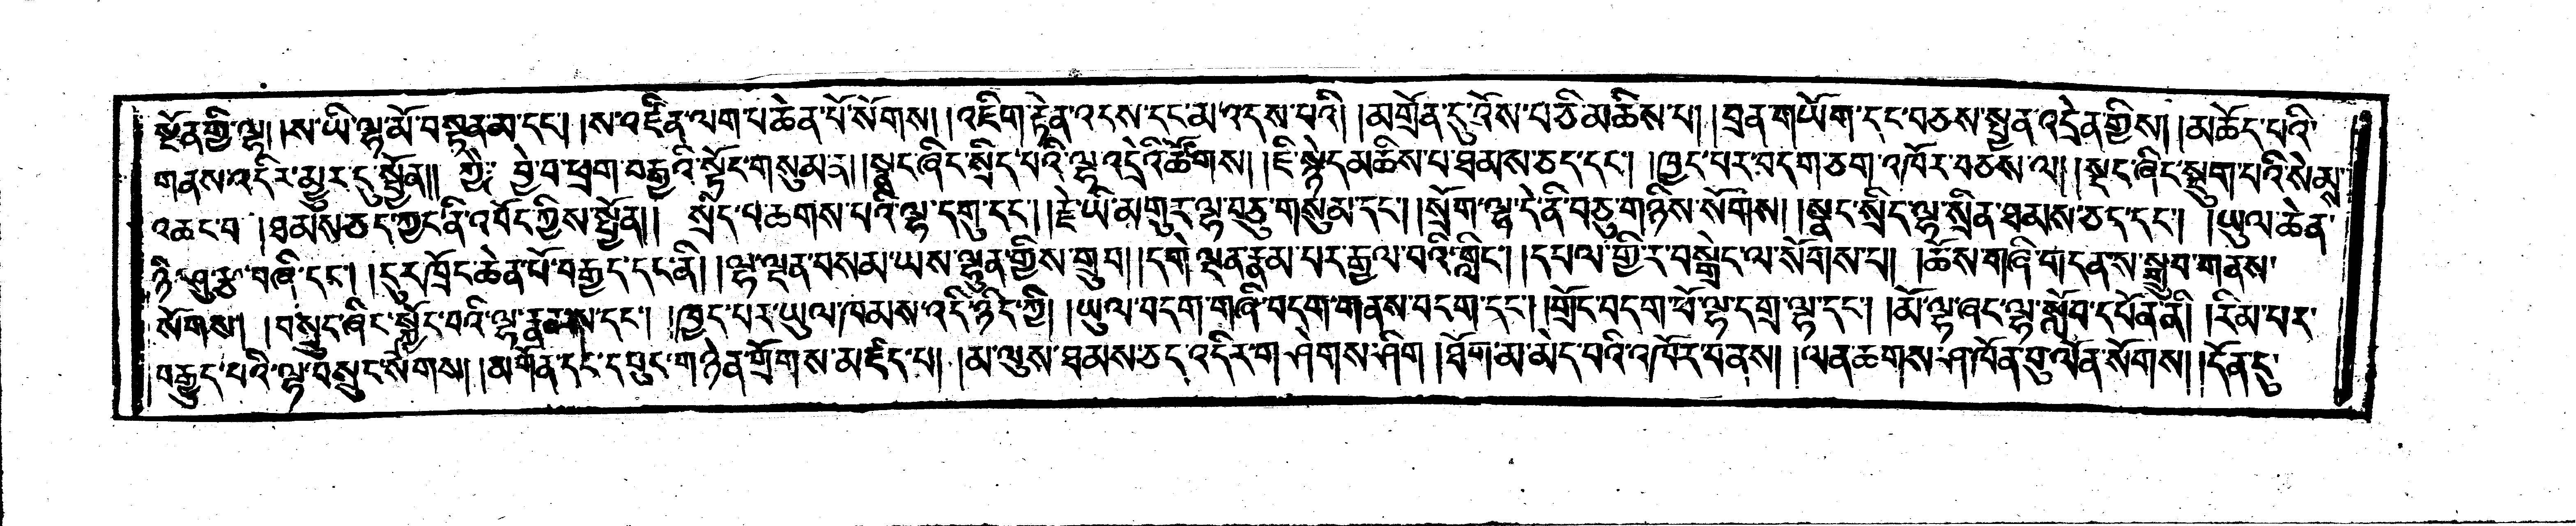སྔོན་གྱི་ལྷ། །ས་ཡི་ལྷ་མོ་བསྟན་མ་དང་། །ས་འཛིན་ལག་པ་ཆེན་པོ་སོགས། །འཇིག་རྟེན་འདས་དང་མ་འདས་པའི། །མགྲོན་དུ་འོས་པ་ཅི་མཆིས་པ། །བྲན་གཡོག་དང་བཅས་སྤྱན་འདྲེན་གྱིས། །མཆོད་པའི་
གནས་འདིར་མྱུར་དུ་སྦྱོན།། ཀྱཻ༑ བྱེ་བ་ཕྲག་བརྒྱའི་སྟོང་གསུམ་ན། །སྣང་ཞིང་སྲིད་པའི་ལྷ་འདྲེའི་ཚོགས། །ཇི་སྙེད་མཆིས་པ་ཐམས་ཅད་དང་། །ཁྱད་པར་བདག་ཅག་འཁོར་བཅས་ལ། །སྡང་ཞིང་སྡུག་པའི་སེམས་
འཆང་བ། །ཐམས་ཅད་ཀྱང་ནི་འབོད་ཀྱིས་སྤྱོན།། སྲིད་པ་ཆགས་པའི་ལྷ་དགུ་དང་། །རྗེ་ཡི་མགུར་ལྷ་བཅུ་གསུམ་དང་། །སྲོག་ལྷ་དེ་ནི་བཅུ་གཉིས་སོགས། །སྣང་སྲིད་ལྷ་སྲིན་ཐམས་ཅད་དང་། །ཡུལ་ཆེན་
ཉི་ཤུ་རྩ་བཞི་དང་། །དུར་ཁྲོད་ཆེན་པོ་བརྒྱད་དང་ནི། །ལྷ་ལྡན་བསམ་ཡས་ལྷུན་གྱིས་གྲུབ། །དགེ་ལྡན་རྣམ་པར་རྒྱལ་བའི་གླིང་། །དཔལ་གྱི་ར་བསྒྲེང་ལ་སོགས་པ། །ཆོས་གཞི་གདན་ས་སྒྲུབ་གནས་
སོགས། །བསྲུང་ཞིང་སྐྱོང་བའི་ལྷ་རྣམས་དང་། །ཁྱད་པར་ཡུལ་ཁམས་འདི་ཉིད་ཀྱི། །ཡུལ་བདག་གཞི་བདག་གནས་བདག་དང་། །གྲོང་བདག་ཕོ་ལྷ་དགྲ་ལྷ་དང་། །མོ་ལྷ་ཞང་ལྷ་སློབ་དཔོན་ནི། །རིམ་པར་
བརྒྱུད་པའི་ལྷ་བསྲུང་སོགས། །མགོན་དང་དཔུང་གཉེན་གྲོགས་མཛད་པ། །མ་ལུས་ཐམས་ཅད་འདིར་གཤེགས་ཤིག །ཐོག་མ་མེད་པའི་འཁོར་བ་ནས། །ལན་ཆགས་ཤ་ཁོན་བུ་ལོན་སོགས། །དོན་དུ་